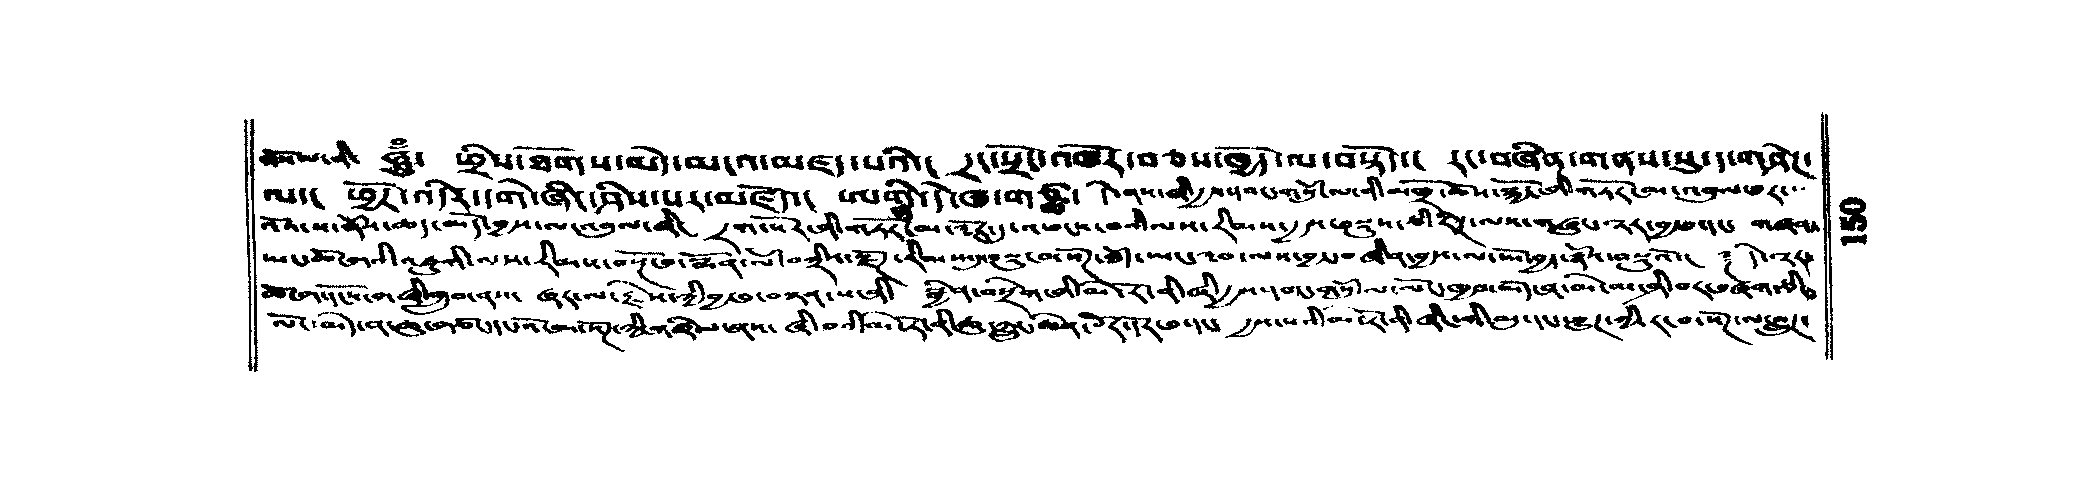གསོལ་ནི། ཧཱུྃ། ཕྲིན་ལས་ཐོགས་མེད་མངའ་མཛད་པའི། །དྲང་སྲོང་འཁོར་དང་བཅས་ལ་བསྟོད། །རང་བཞིན་གནས་སུ་ད་གཤེགས་
ལ། །ཕྱོགས་འདིར་དགེ་ཞིང་ཤིས་པར་མཛོད། །ཨགྣི་དེ་ཝ་གཙྪ། དེ་ནས་ཞི་རྒྱས་དབང་གསུམ་ལ་ནི་མཁའ་འགྲོ་ཆོས་སྐྱོང་གི་གཏོར་མ་འབུལ་བར་
འོས་པ་རྣམས་ཆད་མདོ་བྱས་ལ་འབུལ་ཞིང་། དྲག་པོར་ནི་གཏོར་མ་ཟོར་དུ་འཕངས་བའི་ལས་རིམ་རྒྱས་བསྡུས་ཅི་རིགས་ལས་གཞུང་ལྟར་བྱ་བ་དང་། གཞན་
ཡང་ཆོ་གའི་མཇུག་གི་ལས་རིམས་བསྔོ་བ་སྨོན་ལམ་བཀྲ་ཤིས་བརྗོད་རིམ་དུ་བསྡུ་བ་སོགས་ཐམས་ཅད་ཡང་ཟབ་ལས་བྱང་བཞིན་བྱས་ལ་ཡོ་བྱད་རྣམས་བསྡུའོ། ༈ དེ་ལྟར་
ཆོ་ག་དངོས་གཞི་གྲུབ་ནས། ཞར་ལ་རྗེས་ཀྱི་བྱ་བ་བསྟན་པ་ནི། སྦྱིན་བསྲེག་གི་མེ་རོ་ནི་ཞི་རྒྱས་དབང་གསུམ་ལ་ལོང་ཁྱབ་ཡོད་ན་མེ་མ་ཤི་བར་བཞག་ཅིང་། 
ལོང་མེད་ན་ཆུ་གཙང་དང་འོ་མ་སོགས་ཀྱི་གཞེལ་ནས། ཞི་བའི་མེ་རོ་ནི་ཆུ་ཀླུང་ཆེན་པོར་དོར་བ་དང་། རྒྱས་པའི་མེ་རོ་ནི་ཞིང་གི་མུ་དང་ཕྱུགས་ཀྱི་ར་བ་སོགས་ལ་བླུགས།